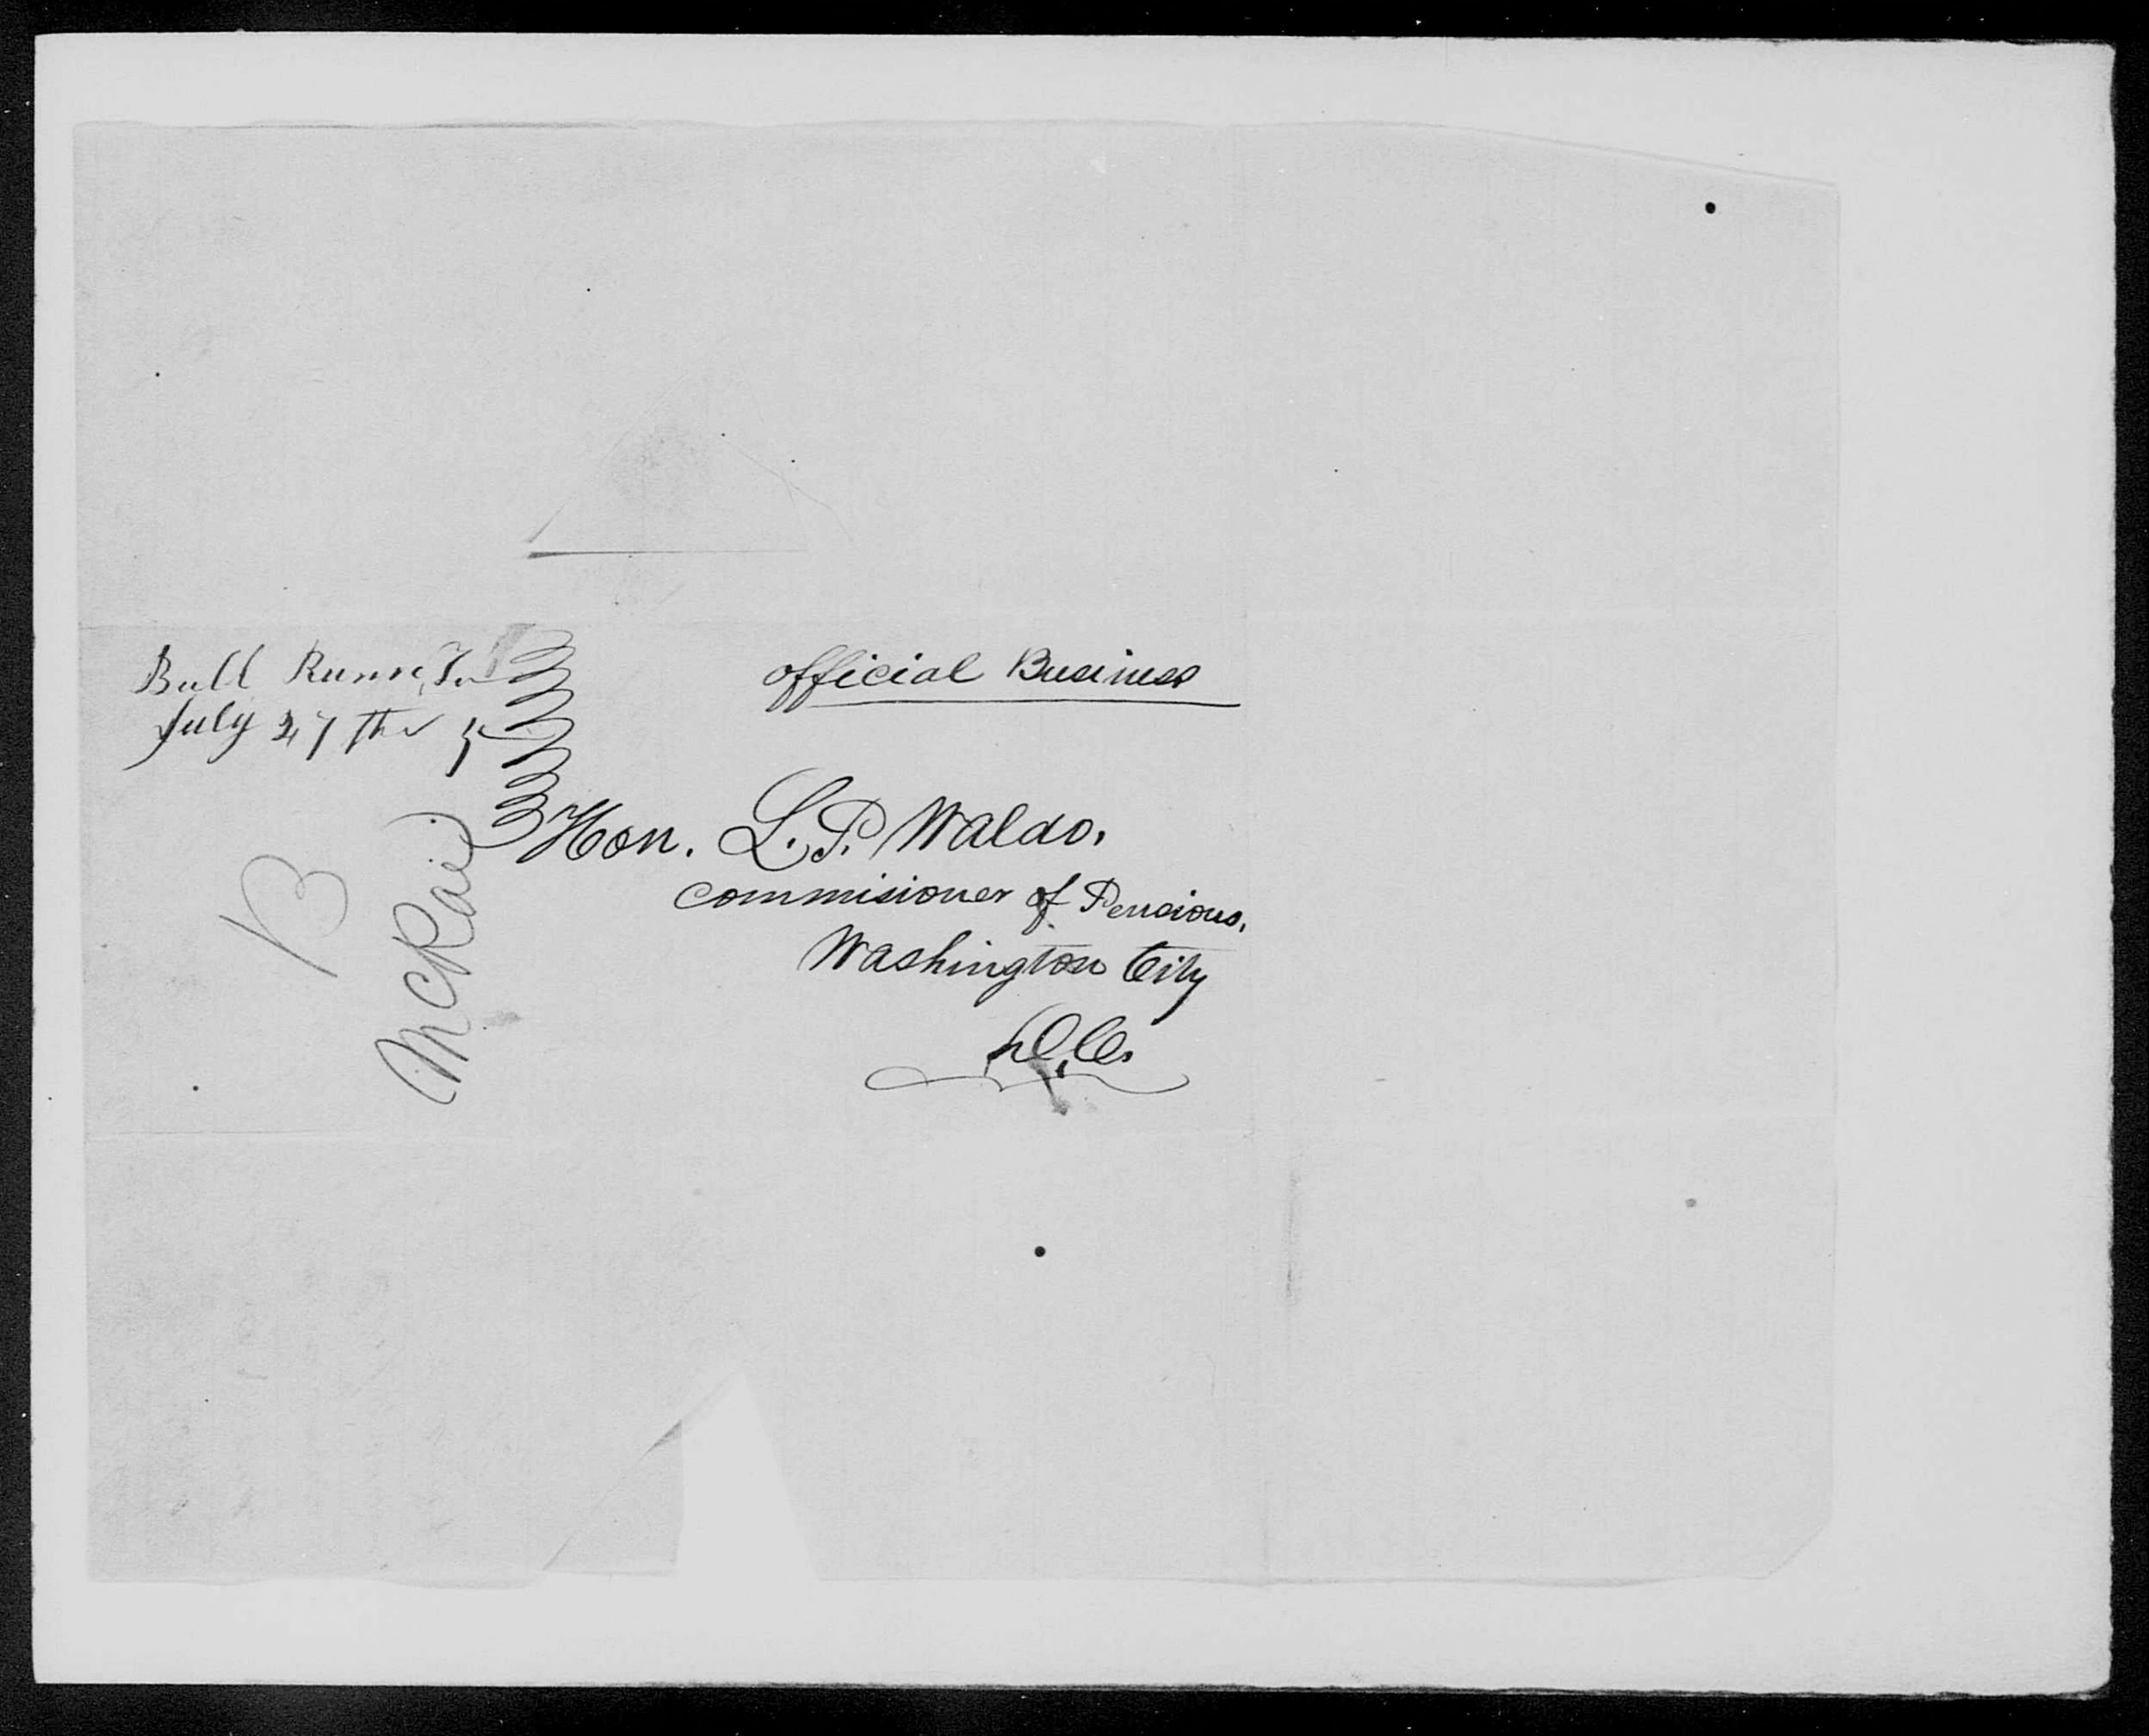Official Busness

Bull Runn (Run) Tn
July 27 th

Hon L. P. Waldo
Commissioner of Pensions
Washington  City 
D.C. 

B
McRae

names: L P Waldo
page: 32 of 86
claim: widow's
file: W. 1035, John Hubbs, S.C.